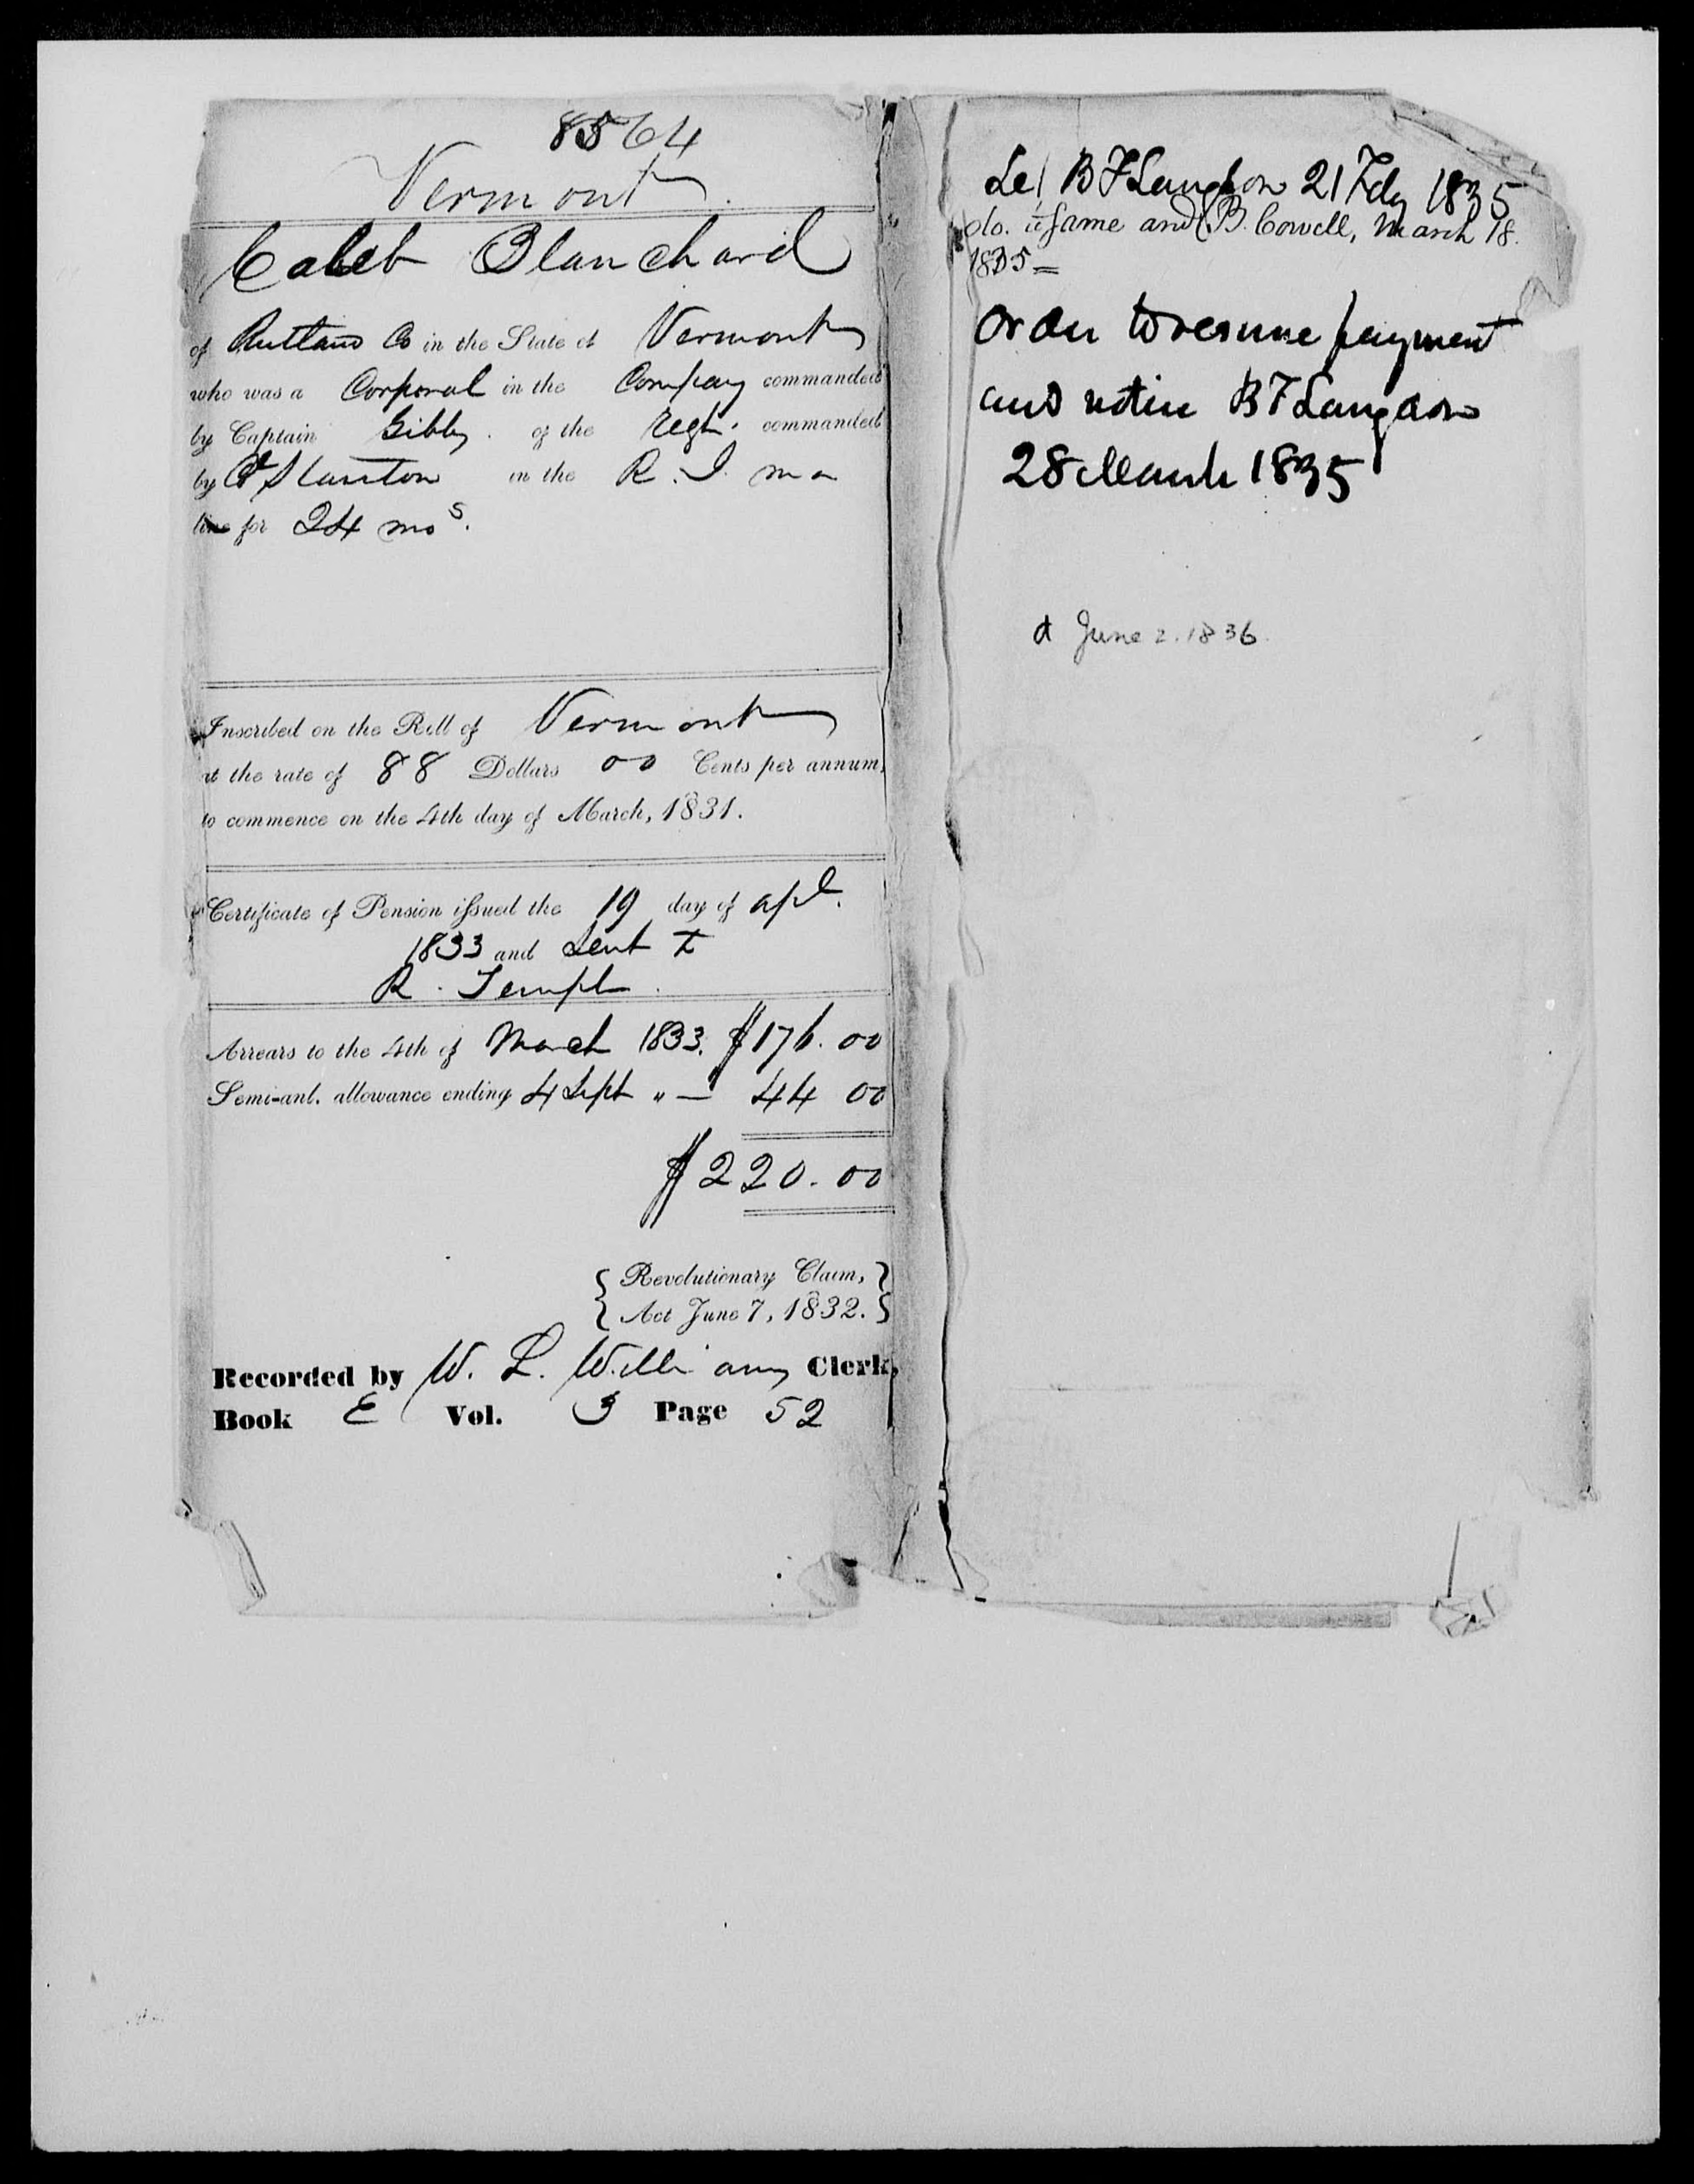8564
Caleb  Blanchard
of Rutland Co in the State of Vermont who was a Corporal in the company commanded by Captain Gibby of the reg commanded by [ineligible] Stanton in the RI [ineligible] line for 24 mo s

Inscribed on the Roll of Vermont at the rate of 88 Dollars 00 Cents per annum to commence on the 4th day of March 1831

Certificate of Pension issued the 19 day of Apl 1833 and sent to R Temple

Arrears to the 4th of March 1833 $176.00
Semi-anl allowance ending 4 Sept ---44.00
$220.00

Revolutionary Claim,
Act Jun 7, 1832

recorded by W.L. Williams Clerk
Book E Vol. 3 Page 52

Le BFLangdon 21 [illegible] 1835
olo Jame and B Cowell, March 18 1835

Order to [ineligible] payment and notice BF Langdon
 28 [illegible]1835

d Jun 2, 1836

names: Jame Cowell, Caleb Blanchard, B Cowell, W L Williams, B F Langdon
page: 2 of 17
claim: survivor's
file: S. 21,645, Caleb Blanchard, R. I.